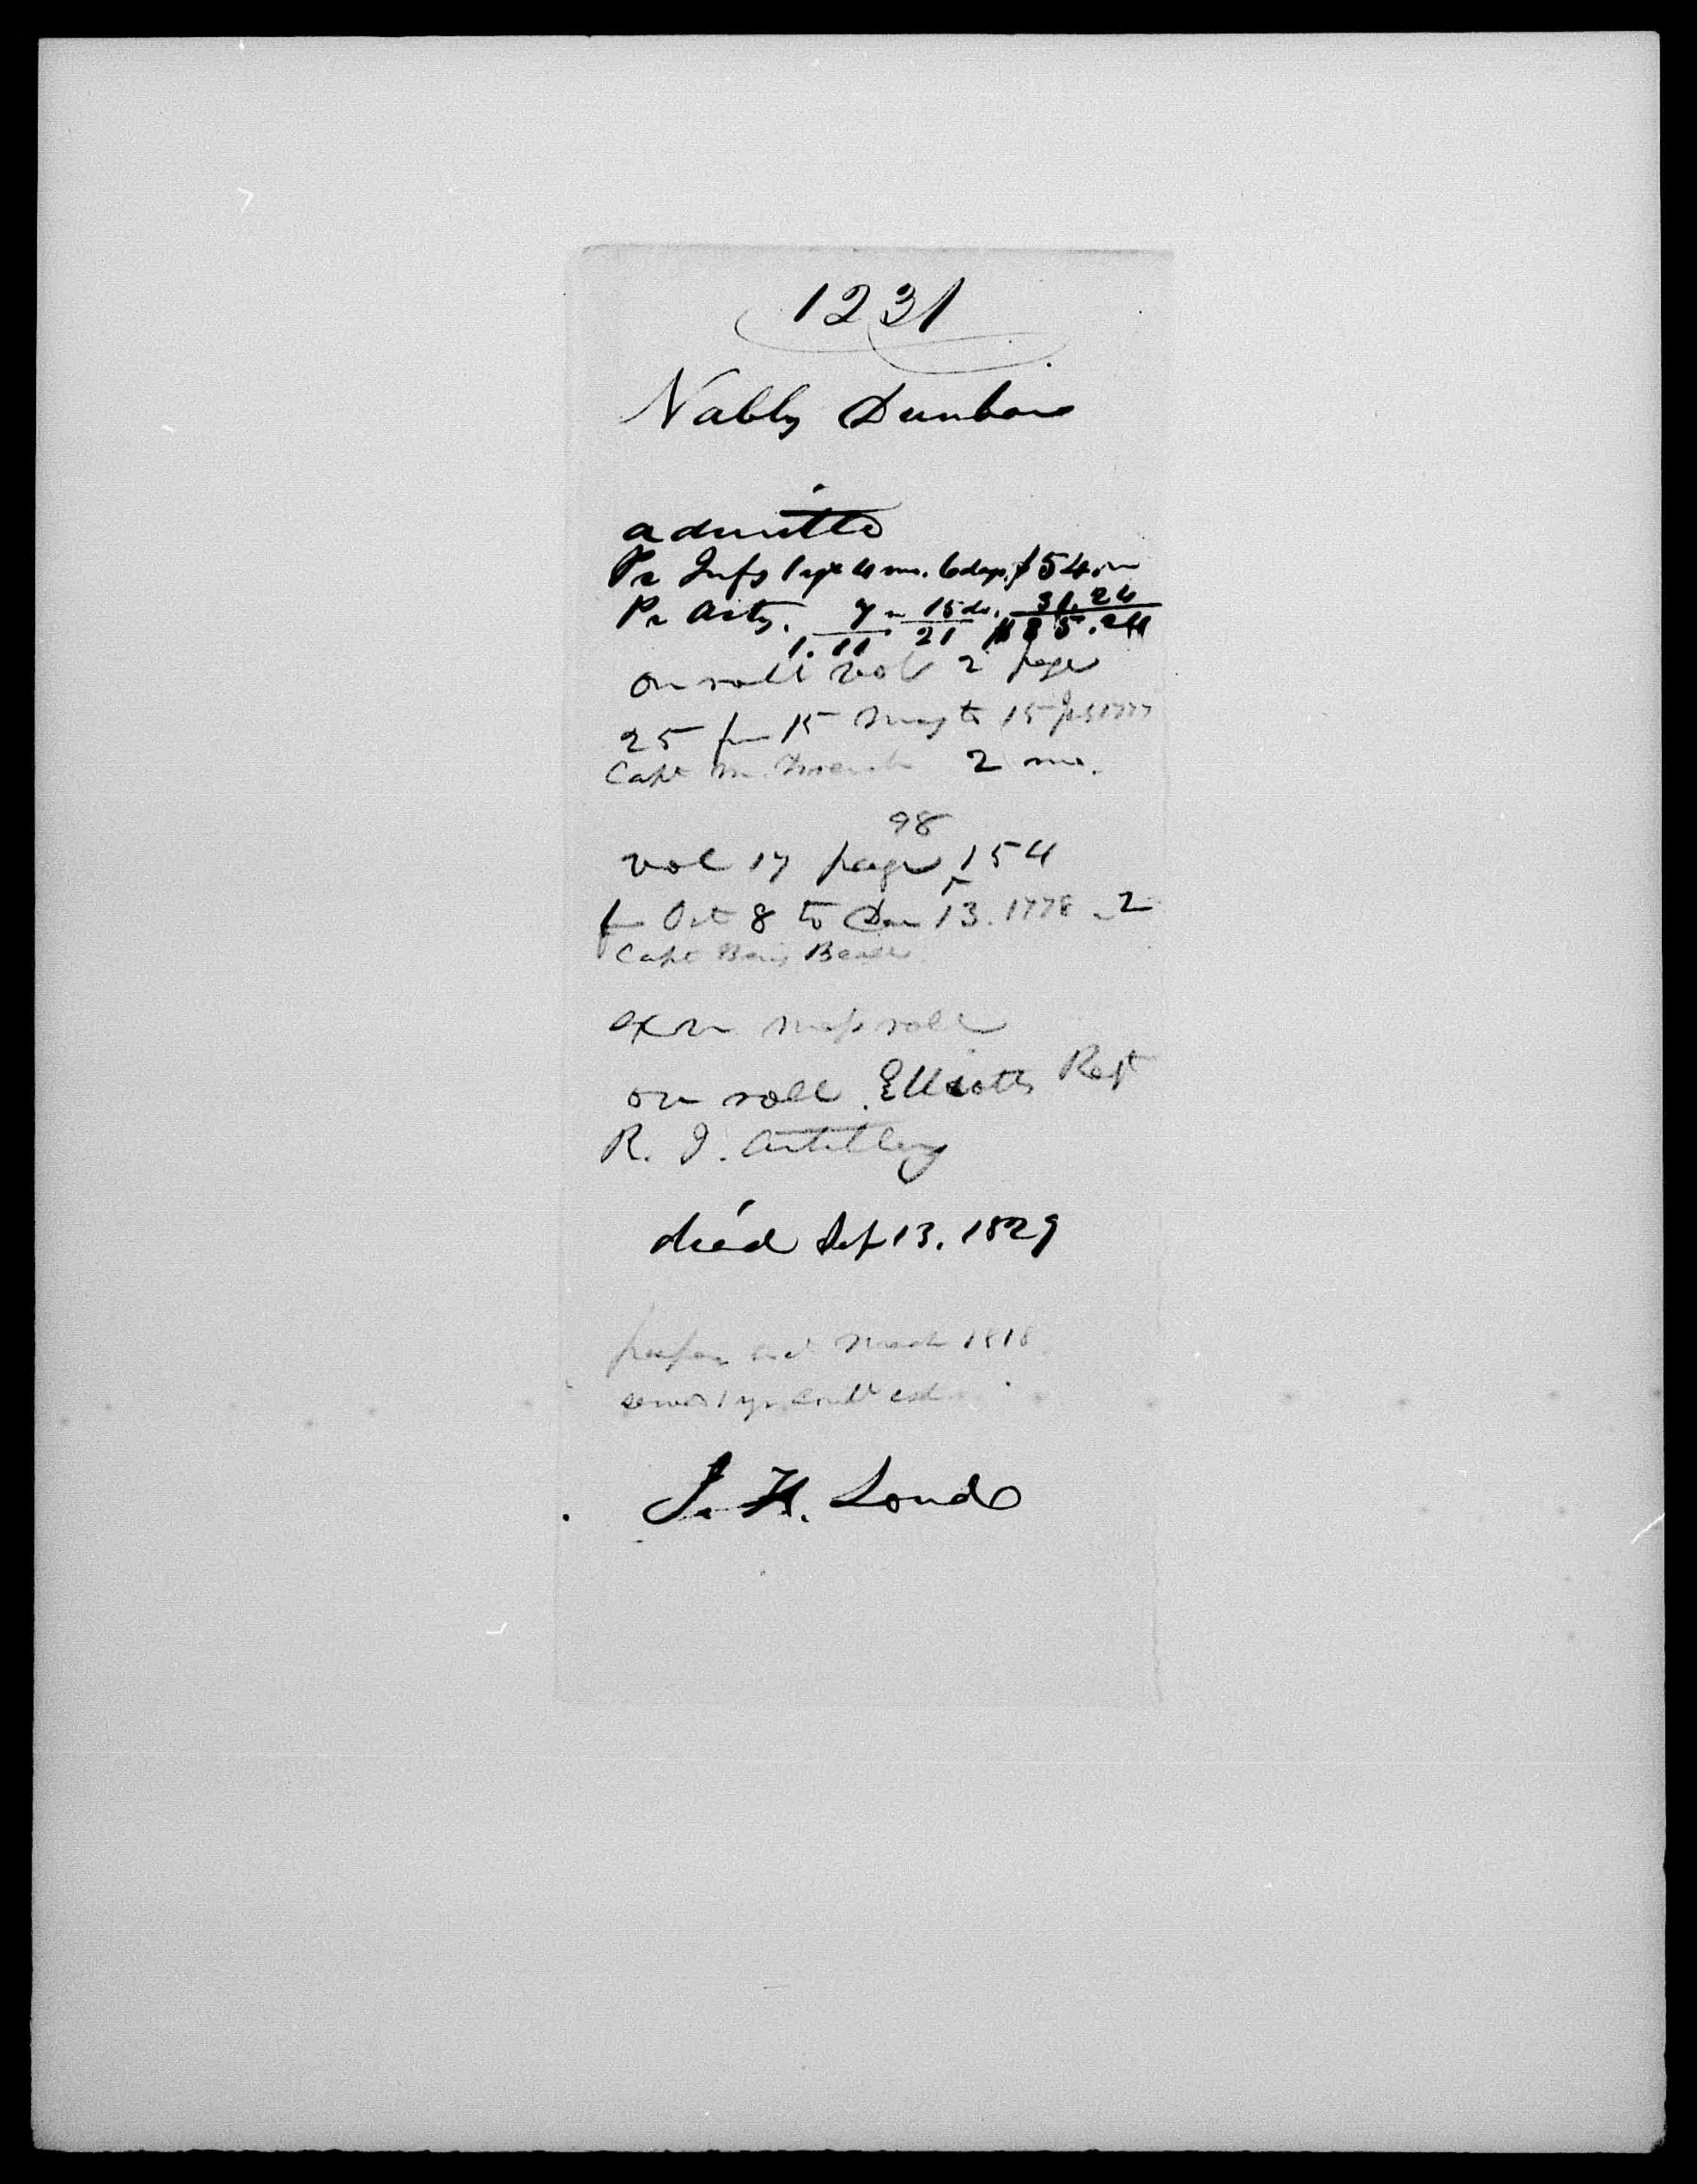1231

Nabby Dunbar

Admitted
Pr. Infantry 1 year 4 months, 6 days $54.00
Pr. Artillery 7 months and 15 days  $331.24

$85.24

On roll Vol. 2 page 25 for 15 May to 15 June 1777
Capt. M. Vincent  2 months

Vol. 17 page 98  154 for Oct 8 to Dec. 13, 1778
2
Capt. Benjamin Beals

on muster roll

on roll Elliot's Regt.
R.I. Artillery

died Sept. 13, 1829

papers act March 1818
served 1 year cont. est.

J.H. Loud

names: M Vincent, Nabby Dunbar, J H Loud, Benj Beals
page: 13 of 26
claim: widow's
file: W. 14657, Melzar Dunbar, Mass.